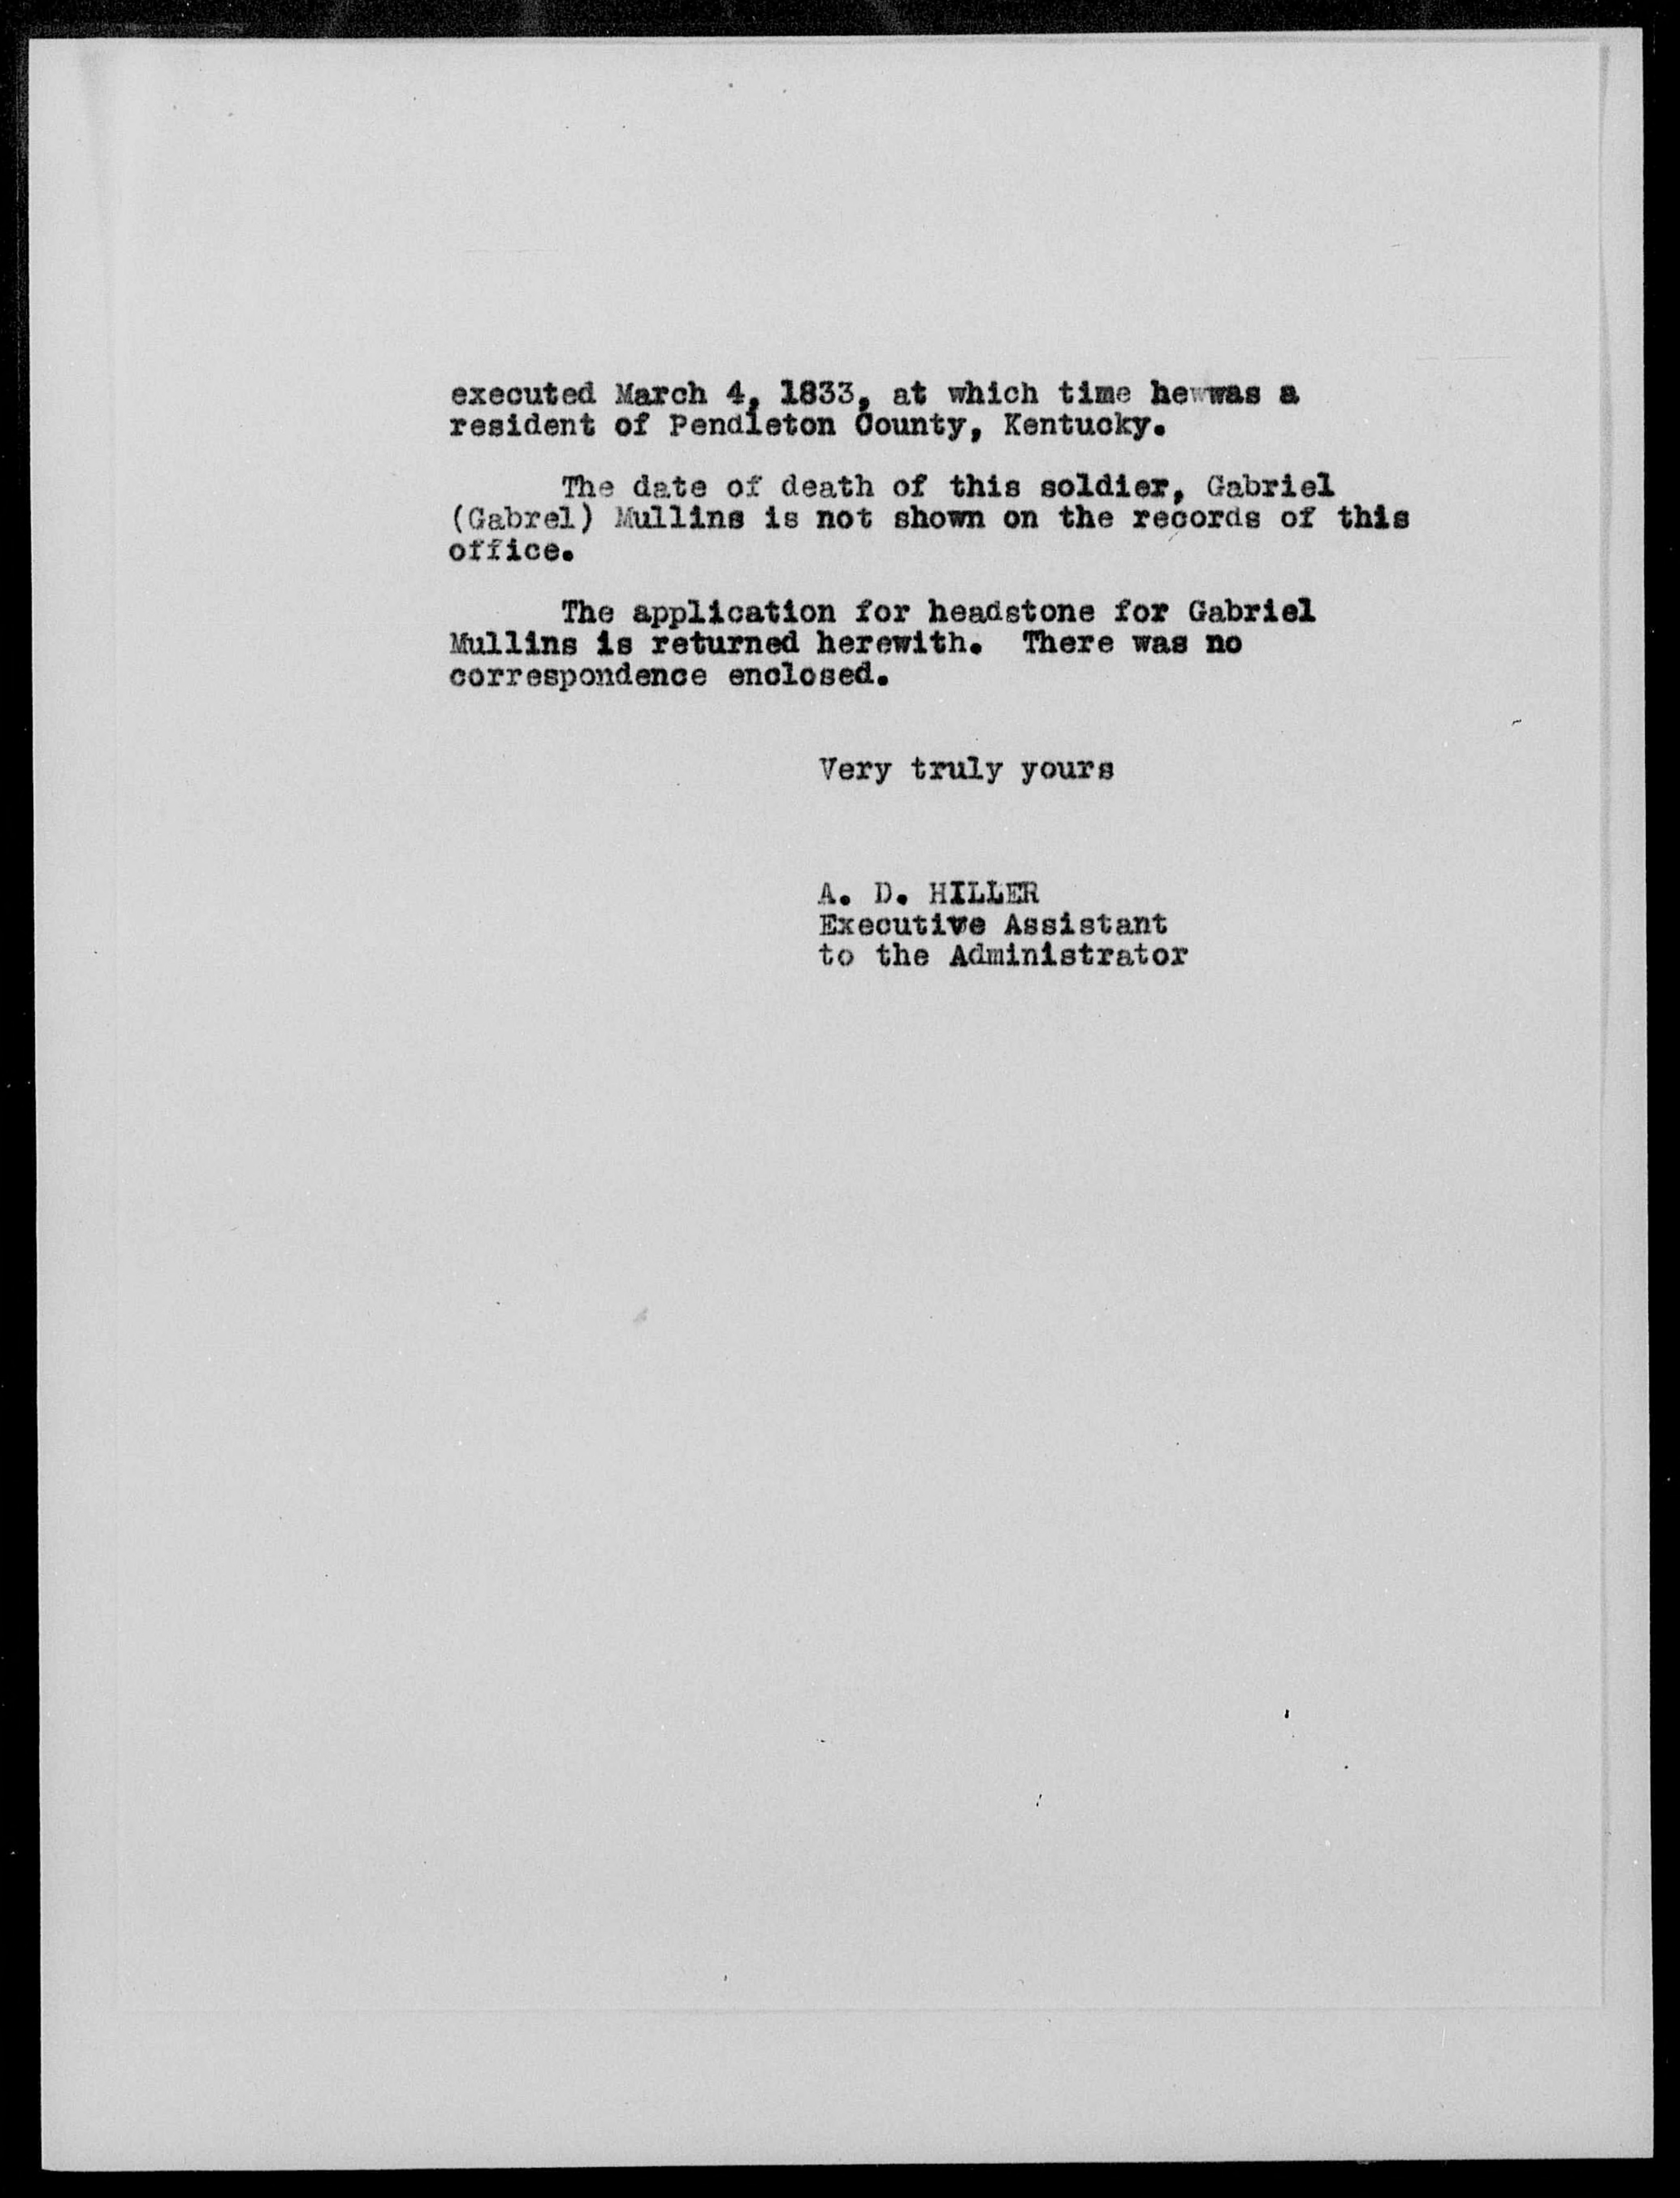executed March 4, 1833, at which time he was a
resident of Pendleton County, Kentucky.
The date of death of this soldier, Gabriel
( Gabrell ) Mullins is not shown on the records of this
office.
The application for headstone for Gabriel
Mullins is returned herewith. There was no
correspondence enclosed.

Very truly yours

A. D. HILLER
Executive Assistant
to the Administrator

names: A D Hiller; Gabriel Mullins; Gabrel Mullins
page: 11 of 34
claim: survivor's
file: S. 30608, for Gabrel Mullins, Virginia